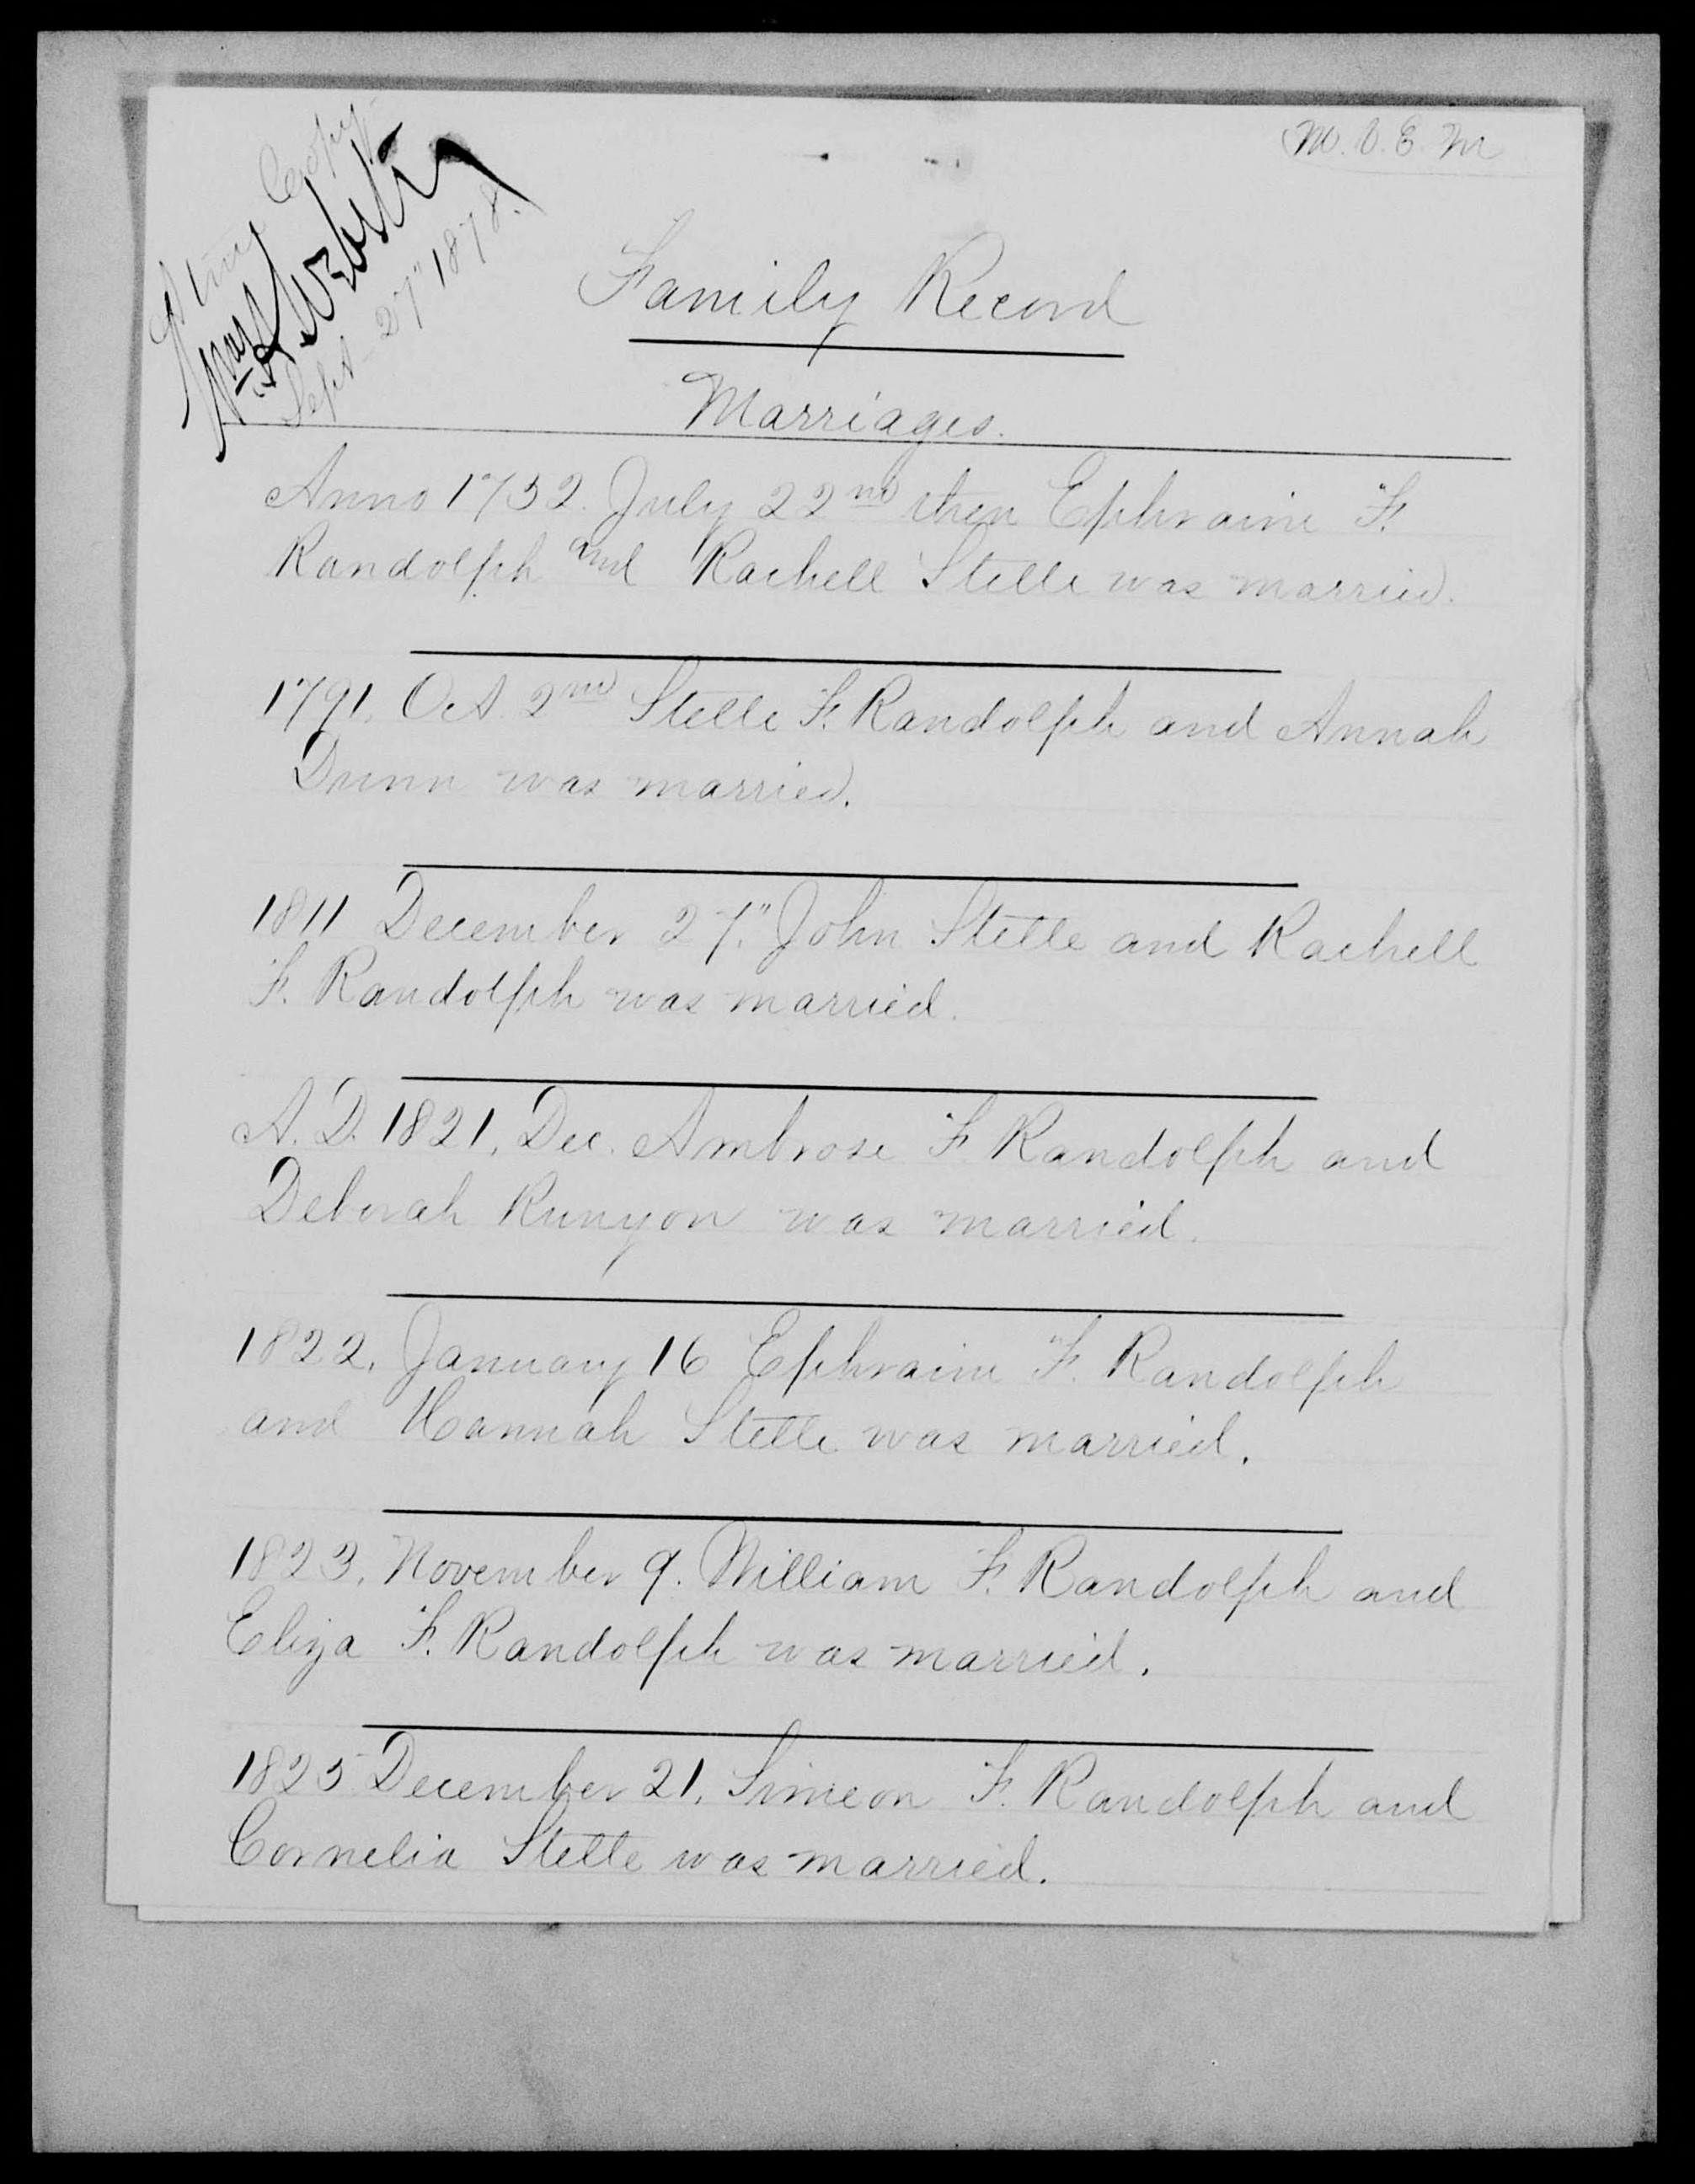Alive Copy
My [AW?biliz illegible]
Selis 27" 1878
Family Record
Marriages
Anno 1732. July 22nd then Ephraim F.
Randolph and Rachell Stelle was married.
1791, Oct. 2nd Stelle F. Randolph and Annah Dunn was married.
1811 December 27." John Stelle and Rachell
F. Randolph was married.
A.D. 1821, Dec. Ambrose F Randolph and Deborah Runyon was married.
1822, January 16 Ephraim F. Randolph
and Hannah Stelle was married.
1823, November 9. William F. Randolph and Eliza F. Randolph was married.
1825 December 21, Simeon F. Randolph and Cornelia Stelle was married.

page: 3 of 33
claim: widow's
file: W. 5,665, for Stelle F Randolph, New Jersey